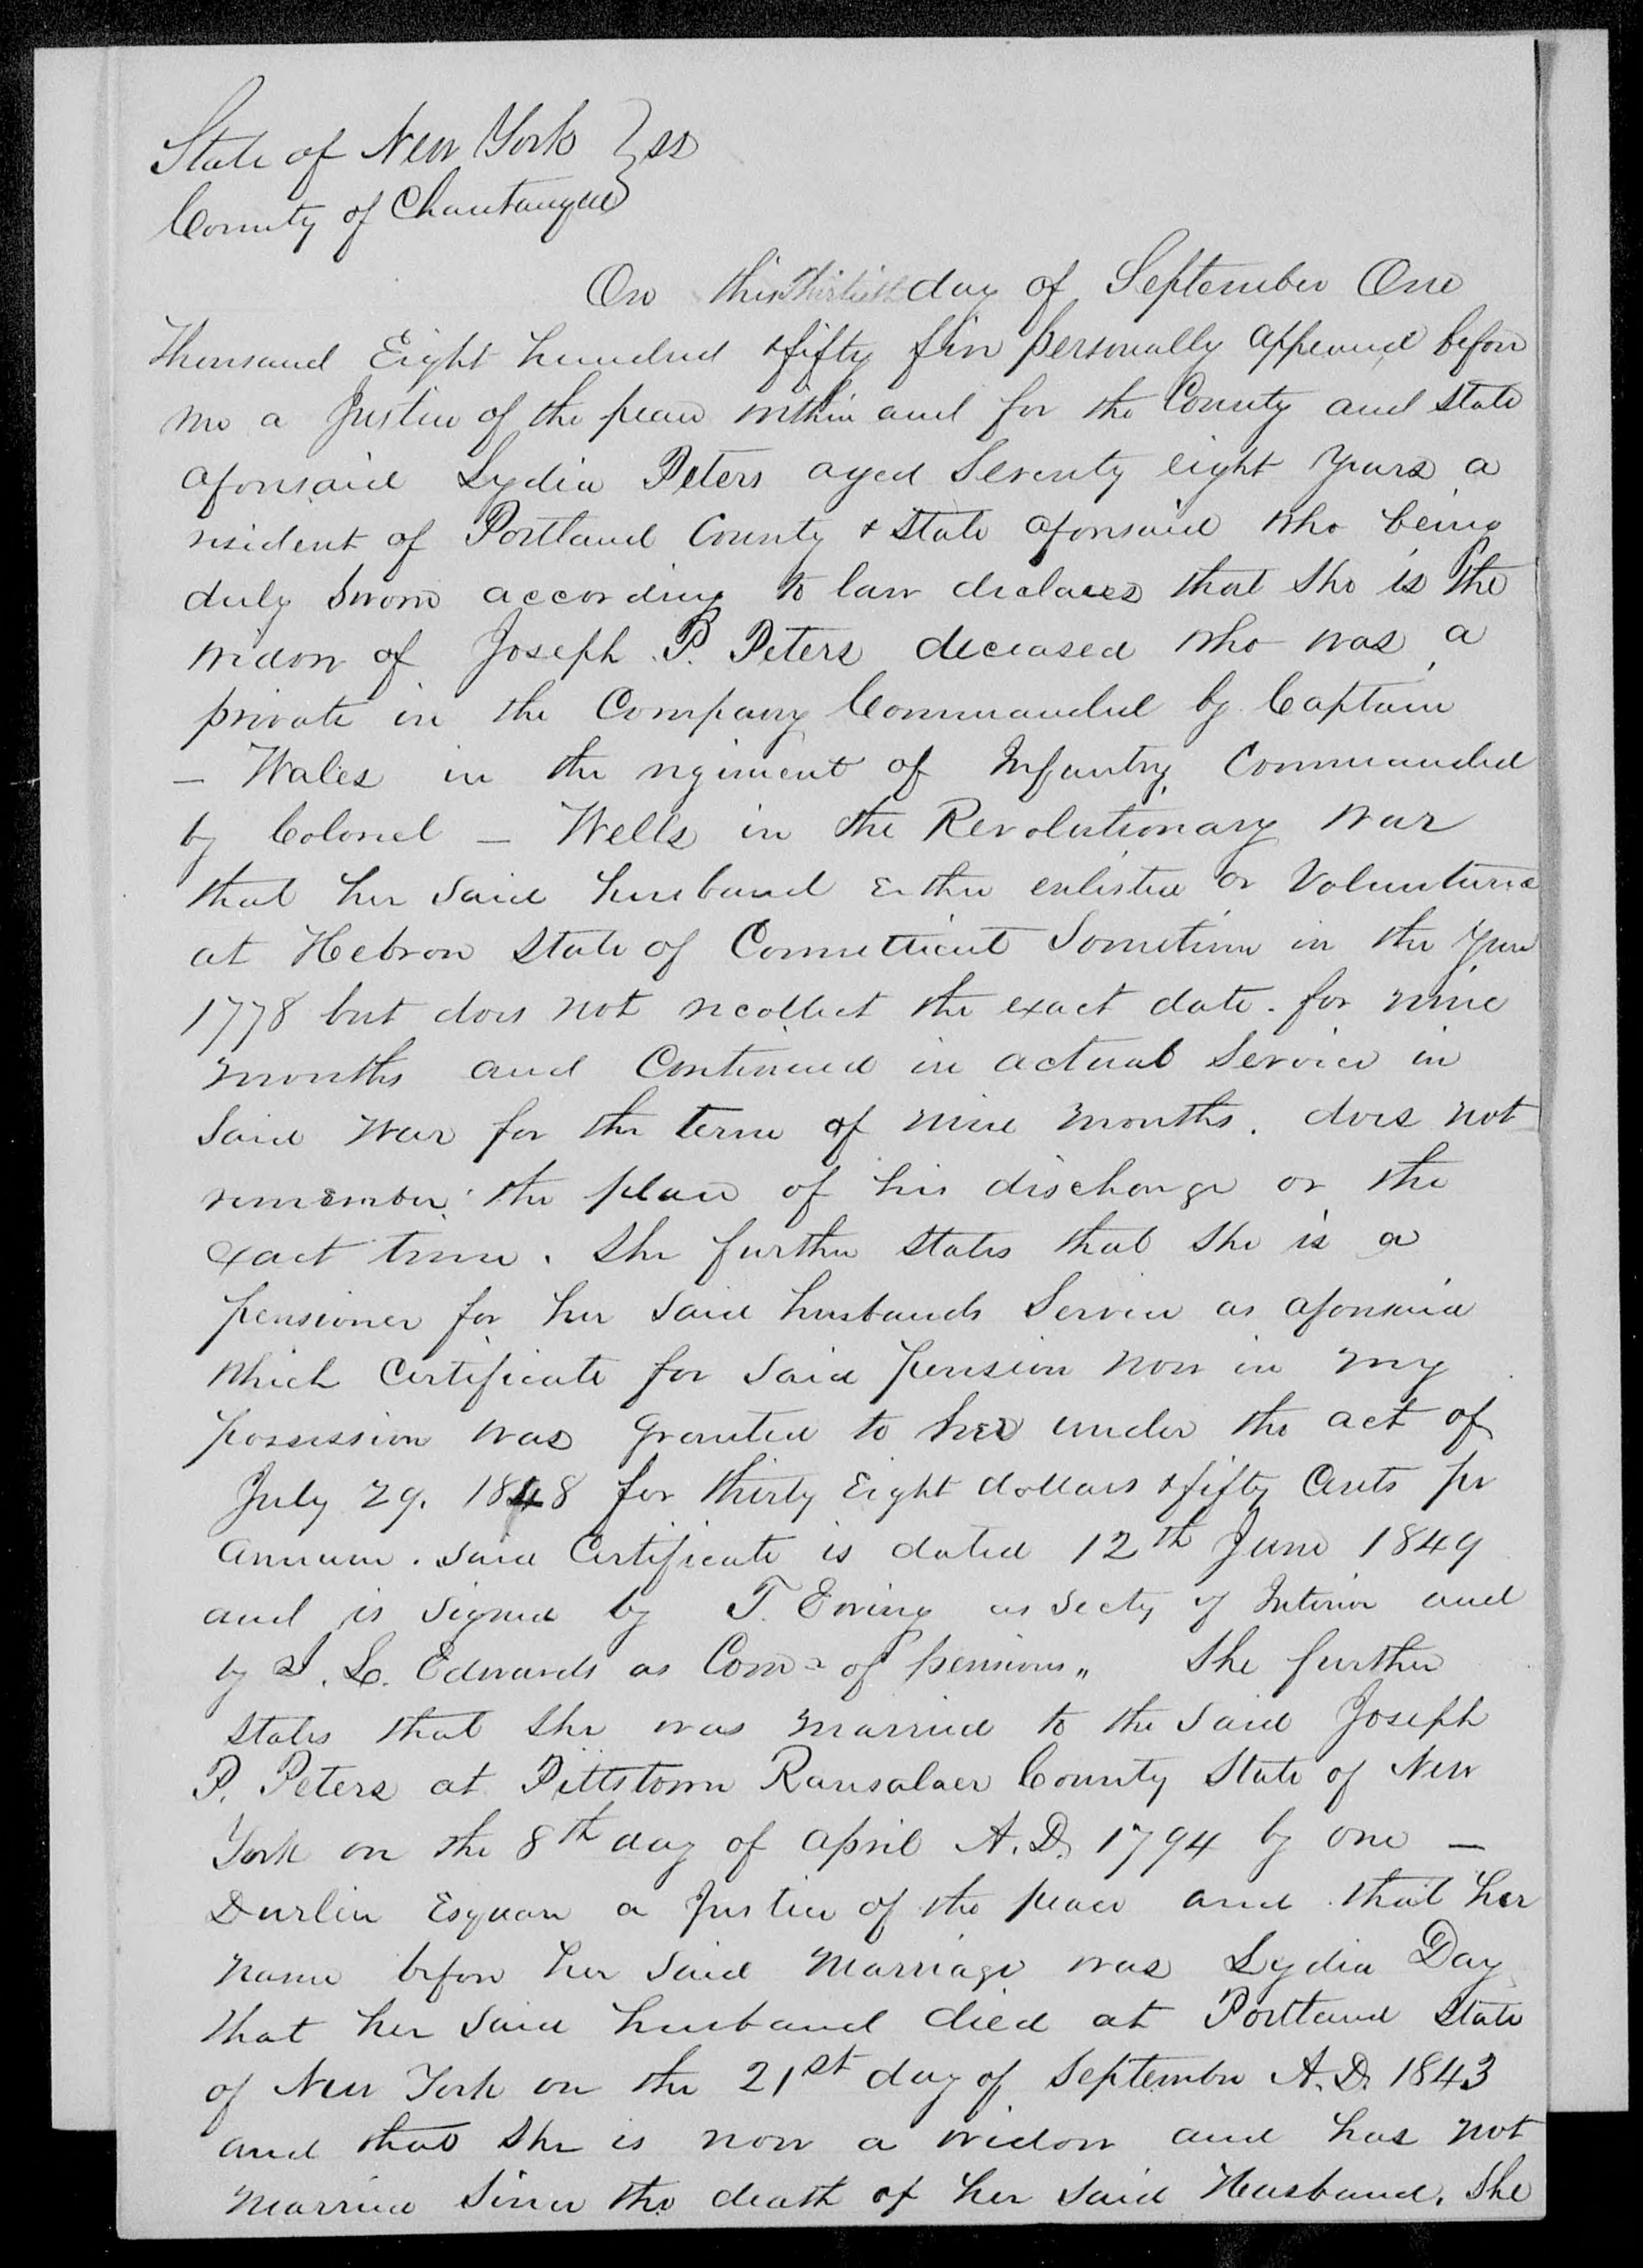State of New York 
County of Chautauqua } ss On this thirtieth day of September One thousand Eight hundred & fifty five personally appeared before me a Justice of the peace within and for the County and state of aforesaid Lydia Peters aged Seventy eight years a resident of Portland County & State aforesaid who being duly sworn according to law declares that she is the Widow of Joseph P. Peters deceased who was a private in the Company Commanded by Captain Wales in the regiment of Infantry Commanded by Colonel Wells in the Revolutionary War, that her said husband either enlisted or volunteered at Hebron State of Connecticut Sometime in the Jun 1778 but does not recollect the exact date for nine months and continued in actual service in said war for the term of nine months, does not remember the place of his discharge or the exact time. She further states that she is a pensioner for her said husbands service as aforesaid which certificate for said pension now in my possession was granted to her under the act of July 29. 1848 for thirty eight dollars & fifty cents per annum said Certificate is dated 12th June 1849 and is signed by T. Ewing as Secty of Interior and by J.L. Edwards as Com of Pensions she further states that she was married to the said Joseph P. Peters at Pittstown Rensselaer County State of New York on the 8th day of April A.D. 1794 by one Durlin Esquire a Justice of the peace and that her name before her said marriage was Lydia Day that her said husband died at Portland State of New York on the 21st day of September A.D. 1843 and that she is now a widow and has not married since the death of her said Husband, she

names: [BLANK] Wells; J L Edwards; Lydia Peters; Lydia Day; [BLANK] Wales; Joseph P Peters; T Ewing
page: 22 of 73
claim: widow's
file: W. 2338, for Joseph P Peters, Connecticut